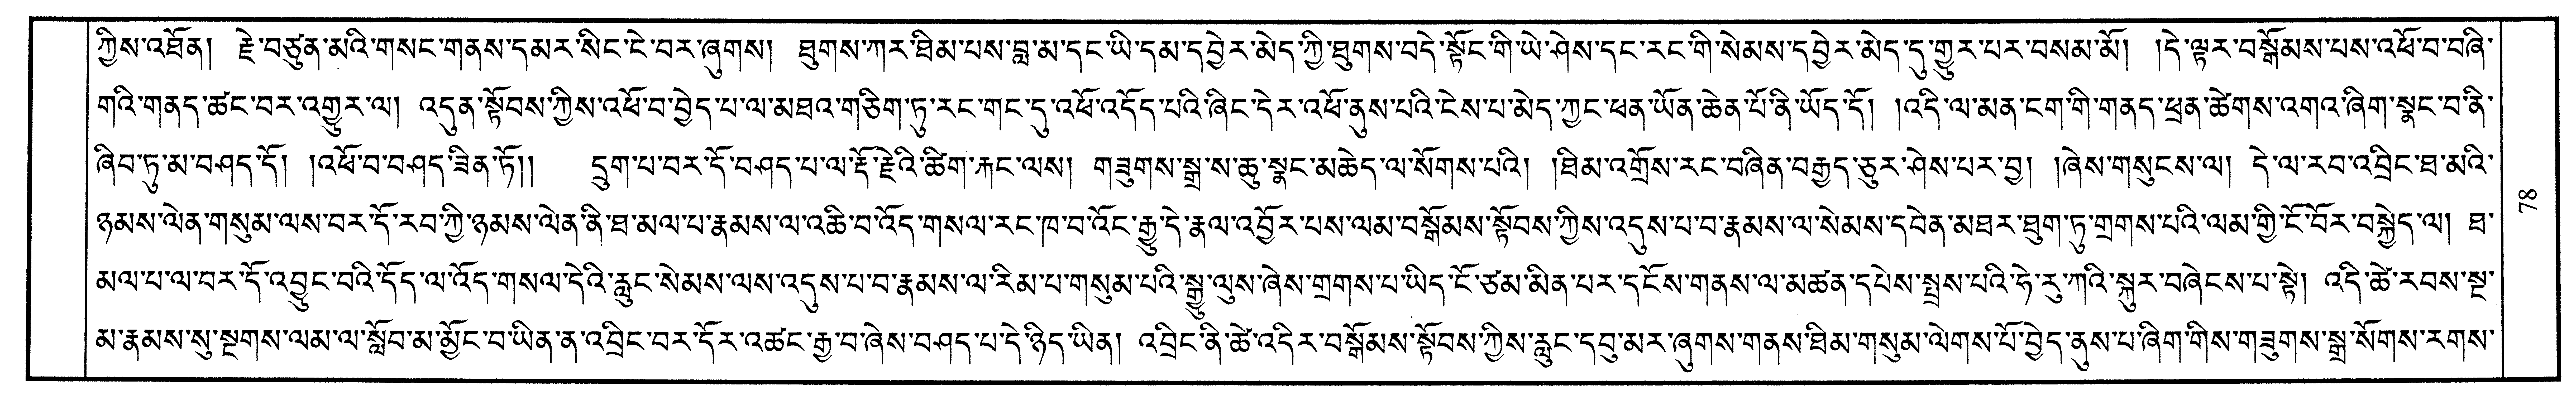ཀྱིས་འཐོན། རྗེ་བཙུན་མའི་གསང་གནས་དམར་སིང་ངེ་བར་ཞུགས། ཐུགས་ཀར་ཐིམ་པས་བླ་མ་དང་ཡི་དམ་དབྱེར་མེད་ཀྱིས་ཐུགས་བདེ་སྟོང་གི་ཡེ་ཤེས་དང་རང་གི་སེམས་དབྱེར་མེད་དུ་གྱུར་པར་བསམ་མོ། །དེ་ལྟར་བསྒོམས་པས་འཕོ་བ་བཞི་
གའི་གནད་ཚང་བར་འགྱུར་ལ། འདུན་སྟོབས་ཀྱིས་འཕོ་བ་བྱེད་པ་ལ་མཐའ་གཅིག་ཏུ་རང་གང་དུ་འཕོ་འདོད་པའི་ཞིང་དེར་འཕོ་ནུས་པའི་ངེས་པ་མེད་ཀྱང་ཕན་ཡོན་ཆེན་པོ་ནི་ཡོད་དོ། །འདི་ལ་མན་ངག་གི་གནད་ཕྲན་ཚེགས་འགའ་ཞིག་སྣང་བ་ནི་
ཞིབ་ཏུ་མ་བཤད་དོ། །འཕོ་བ་བཤད་ཟིན་ཏོ།། དྲུག་པ་བར་དོ་བཤད་པ་ལ་རྡོ་རྗེའི་ཚིག་རྐང་ལས། གཟུགས་སྒྲ་ས་ཆུ་སྣང་མཆེད་ལ་སོགས་པའི། །ཐིམ་འགྲོས་རང་བཞིན་བརྒྱད་ཅུར་ཤེས་པར་བྱ། །ཞེས་གསུངས་ལ། དེ་ལ་རབ་འབྲིང་ཐ་མའི་
ཉམས་ལེན་གསུམ་ལས་བར་དོ་རབ་ཀྱི་ཉམས་ལེན་ནི་ཐ་མལ་པ་རྣམས་ལ་འཆི་བ་འོད་གསལ་རང་ཁ་བ་འོང་རྒྱུ་དེ་རྣལ་འབྱོར་པས་ལམ་བསྒོམས་སྟོབས་ཀྱིས་འདུས་པ་བ་རྣམས་ལ་སེམས་དབེན་མཐར་ཐུག་ཏུ་གྲགས་པའི་ལམ་གྱི་ངོ་བོར་བསྐྱེད་ལ། ཐ་
མལ་པ་ལ་བར་དོ་འབྱུང་བའི་དོད་ལ་འོད་གསལ་དེའི་རླུང་སེམས་ལས་འདུས་པ་བ་རྣམས་ལ་རིམ་པ་གསུམ་པའི་སྒྱུ་ལུས་ཞེས་གྲགས་པ་ཡིད་ངོ་ཙམ་མིན་པར་དངོས་གནས་ལ་མཚན་དཔེས་སྤྲས་པའི་ཧེ་རུ་ཀའི་སྐུར་བཞེངས་པ་སྟེ། འདི་ཚེ་རབས་སྔ་
མ་རྣམས་སུ་སྔགས་ལམ་ལ་སློབ་མ་མྱོང་བ་ཡིན་ན་འབྲིང་བར་དོར་འཚང་རྒྱ་བ་ཞེས་བཤད་པ་དེ་ཉིད་ཡིན། འབྲིང་ནི་ཚེ་འདིར་བསྒོམས་སྟོབས་ཀྱིས་རླུང་དབུ་མར་ཞུགས་གནས་ཐིམ་གསུམ་ལེགས་པོ་བྱེད་ནུས་པ་ཞིག་གིས་གཟུགས་སྒྲ་སོགས་རགས་